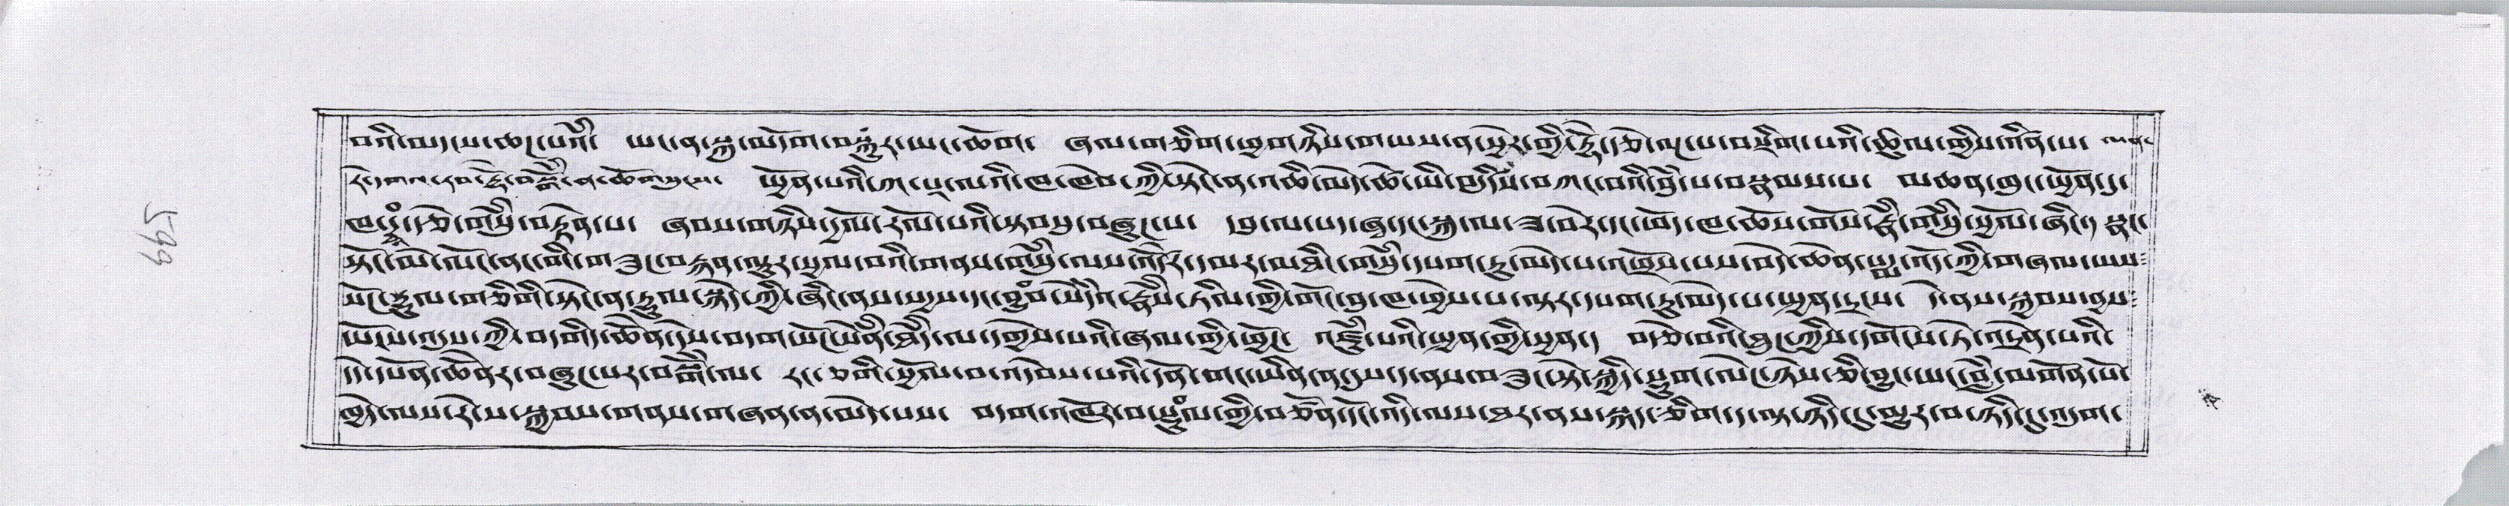བའི་མདངས་ཆགས་པའམ། ཡང་ན་སྐུ་མདོག་བསྐྱུར་ཡང་ཆོག ཞལ་གཅིག་ཕྱག་གཉིས་གཡས་ན་གསེར་གྱི་རྡོ་རྗེ་རྩེ་ལྔ་པ་བསྡིག་པའི་ཚུལ་གྱིས་འཛིན་པ། ༼ལན་
རེ་དགའ་རབ་རྡོ་རྗེ་བསྒོམ་ཡང་ཆོག་གསུངས།༽གཡོན་པའི་ཀ་པ་ལའི་ཁ་ཁེབ་ཀྱི་སྟེང་ན་འཆི་མེད་ཚེ་ཡི་བདུད་རྩིས་གང་བའི་བུམ་པ་བསྣམས་པ། མཆན་ཁུང་གཡོན་དུ་
ཁ་ཊཾ་རྩེ་གསུམ་བརྟེན་པ། ཞབས་གཉིས་རྒྱལ་པ་རོལ་པའི་སྟབས་སུ་བཞུགས་པ། དབུ་ལ་པད་ཞྭ་དང་སྐུ་ལ་ཟ་བེར་དང་ཕོད་ཁ་ཆོས་གོས་རྣམ་གསུམ་གསོལ་ཞིང་། སྣང་
སྟོང་མེ་ལོང་ནང་གི་གཟུགས་བརྙན་ལྟ་བུར་གསལ་བའི་གནས་གསུམ་ལས་འོད་ཟེར་དཀར་དམར་མཐིང་གསུམ་དཔག་ཏུ་མེད་པ་འཕྲོས་པས་བདེ་ཆེན་པདྨ་འོད་ཀྱི་གཞལ་ཡས་
སོགས་རྡུལ་གཅིག་གི་སྟེང་ན་རྡུལ་སྙེད་ཀྱི་ཞིང་ནས་སངས་རྒྱས་དང་བྱང་ཆུབ་སེམས་དཔའ་རྣམས་ཏིལ་གྱི་གོང་བུ་ཁ་ཕྱེས་པ་ལྟར་དཔག་ཏུ་མེད་པ་སྤྱན་དྲངས། དེ་ནས་སྐྱབས་གནས་
ཡོངས་འདུས་ཀྱི་བདག་ཉིད་ཆེན་པ་དེས་བདག་སོགས་སེམས་ཅན་ཐམས་ཅད་ལ་དགྱེས་པའི་ཞལ་གྱིས་ཕྱོགས། འཛུམ་པའི་སྤྱན་གྱིས་གསན། བརྩེ་བའི་ཐུགས་ཀྱིས་དགོངས་ཏེ་འདྲེན་པའི་
དེད་དཔོན་ཆེན་པོར་བཞུགས་པར་བསྒོམ་ལ། རང་ཅག་གི་གསོལ་བ་འདེབས་པའི་དོན་གང་ཡིན་ན་དུས་ད་ནས་བཟུང་སྟེ་སྐྱིད་སྡུག་ལེགས་ཉེས་ཅི་བྱུང་ཡང་བླ་མ་མགོན་པོ་
ཁྱེད་ལས་རེ་ས་གཞན་ན་མེད་པས། བདག་འཁོར་བ་སྡུག་བསྔལ་གྱི་བཙོན་དོང་འདི་ལས་ཐར་ནས་སྐད་ཅིག་ད་ལྟ་ཉིད་དུ་མྱུར་བ་ཉིད་དུ་འདུག་